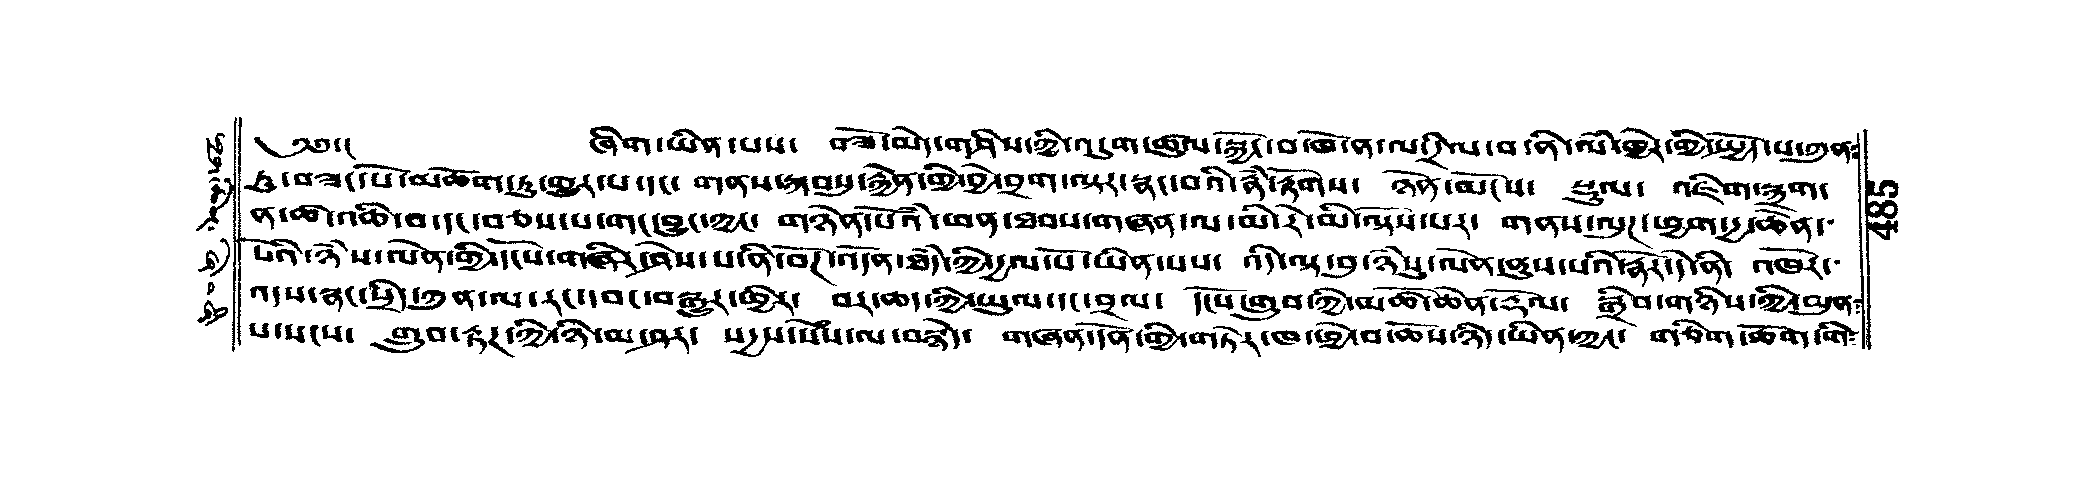ཞིག་ཡིན་པས། བཟོ་མེད་གཤིས་ཀྱི་འདུག་ཚུལ་སྐྱོང་བ་ཁོ་ན་ལ་དྲིལ་བ་ནི་ལམ་ཁྱེར་གྱི་སྤྱོད་པ་ཀུན་
ཏུ་བཟང་པོ་མཆོག་ཏུ་གྱུར་པ་དང་། གནས་སྐབས་སུ་རྐྱེན་གྱི་བྱེ་བྲག་ལྟར་སྣང་བའི་རྣམ་རྟོག་ཉོན་མོངས། སྡུག་བསྔལ། འཇིགས་སྐྲག་
ན་ཚ་འཆི་བ་དང་བཅས་པ་གང་བྱུང་ཡང་། གཉེན་པོའམ་ཕན་ཐབས་གཞན་ལ་མི་རེ་མི་ལྟོས་པར། གནས་ལུགས་ཕྱག་རྒྱ་ཆེན་
པོའི་ཉམས་ལེན་གྱི་དངོས་གཞིར་ཤེས་པ་ནི་བོགས་འདོན་ཐམས་ཅད་ཀྱི་རྒྱལ་པོ་ཡིན་པས། འདི་ལྟ་བུ་ཉམས་སུ་ལེན་ནུས་པའི་རྣལ་འབྱོར་དེ་ནི། འཁོར་
འདས་སྣང་སྲིད་ཀུན་ལ་རང་དབང་བསྒྱུར་ཕྱིར། བར་ཆད་ཀྱི་ཡུལ་དང་བྲལ། དངོས་གྲུབ་ཀྱི་མཚོ་ཆེན་རྡོལ། སྒྲིབ་གཉིས་ཀྱི་མུན་
པ་སངས། གྲུབ་རྟགས་ཀྱི་ཉི་མ་ཤར། སངས་རྒྱས་སེམས་ལ་བརྙེད། གཞན་དོན་གྱི་གཏེར་ཁ་ཕྱེ་བ་ཆོས་ཉིད་ཡིན་ཡང་། གཅིག་ཆོག་གི་